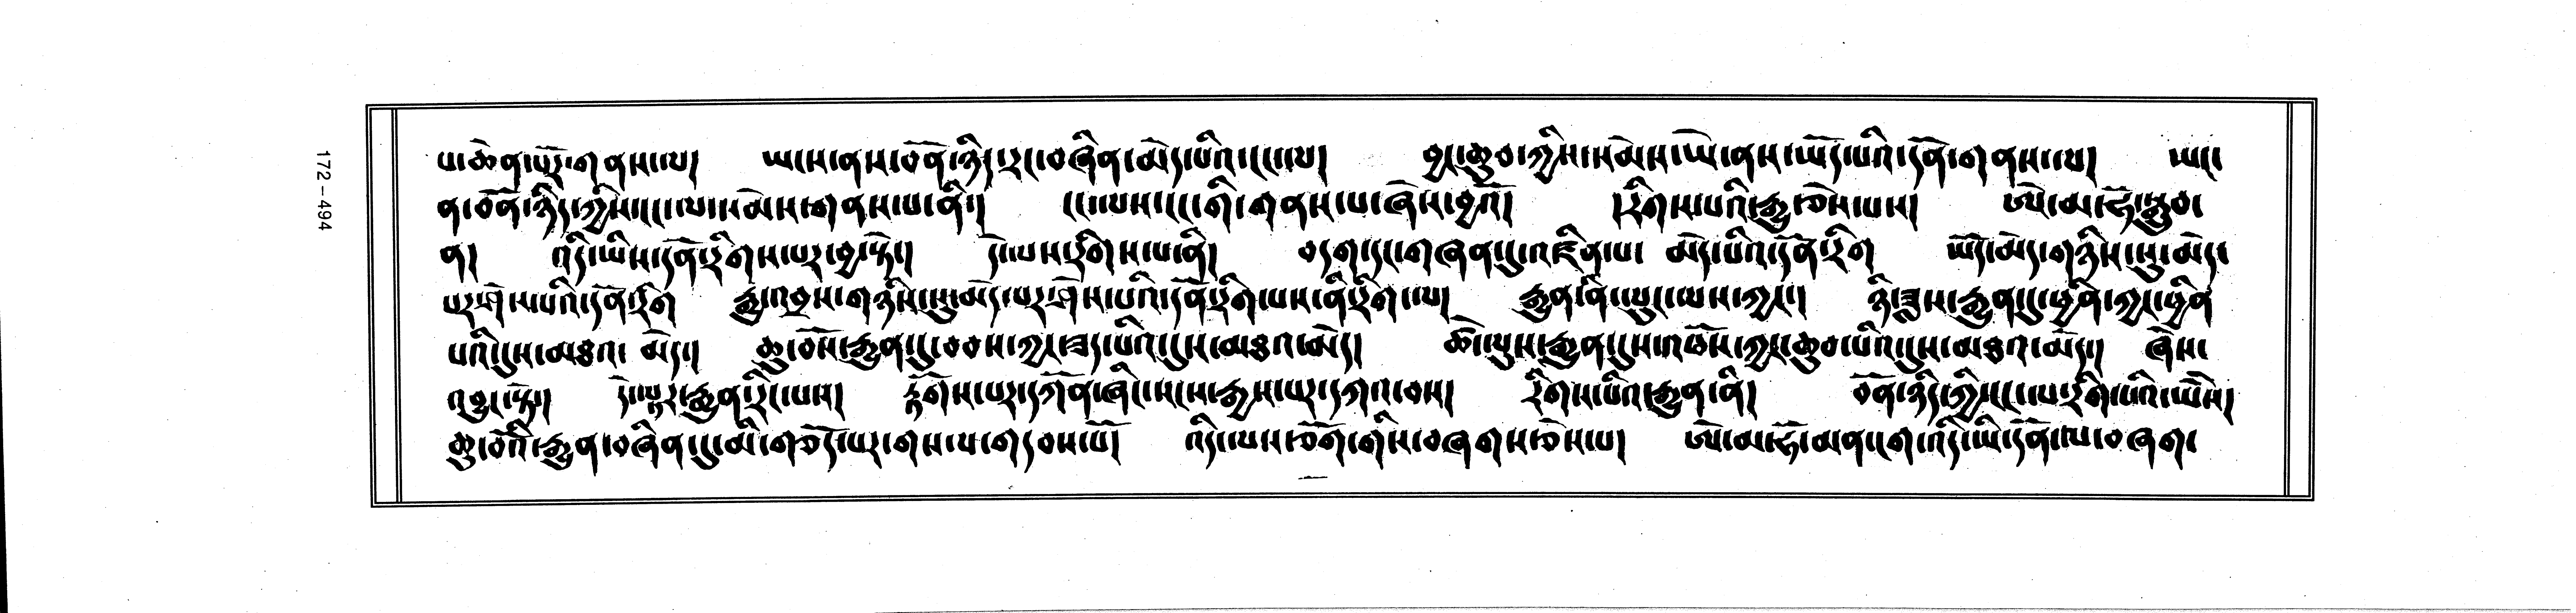པ་ཆེན་པོར་གནས་ལ། ཡང་ནས་བོན་ཉིད་རང་བཞིན་མེད་པའི་ངང་ལ། བྱང་ཆུབ་ཀྱིས་སེམས་ཡེ་ནས་ཡོད་པའི་དོན་གནས་ལ། ཡང་
ན་བོན་ཉིད་ཀྱིས་ངང་ལ་སེམས་གནས་པ་ནི། ངང་ལས་ངང་གི་གནས་པ་ཞེས་བྱའོ། རིག་པའི་རྒྱུ་ཅེས་པས། ཨེ་མ་ཧོ་སྒྲུབ་
ན། འདི་ཡིས་དོན་རིག་པར་བྱ་སྟེ། དེ་ལས་རིག་པ་ནི། བདག་དང་གཞན་དུ་འཛིན་པ་མེད་པའི་དོན་རིག་ཡོད་མེད་གཉིས་སུ་མེད་
པར་ཤེས་པའི་དོན་རིག རྒྱུ་འབྲས་གཉིས་སུ་མེད་པར་ཤེས་པའི་དོན་རིག་པས་ནི་རིག་ལ། རྒྱུན་ནི་ལུང་ལས་ཀྱང་། ཉི་ཟླས་རྒྱུན་དུ་ཕྱིན་ཀྱང་ཕྱིན་
པའི་དུས་མཐའ་མེད། ཆུ་བོས་རྒྱུན་དུ་བབས་ཀྱང་ཟད་པའི་དུས་མཐའ་མེད། ཚེ་ལུས་རྒྱུན་དུས་འཕོང་ཀྱང་ཆུབ་པའི་དུས་མཐའ་མེད། ཞེས་
འབྱུང་སྟེ། དེ་ལྟར་རྒྱུན་རིང་པས། རྟོགས་པར་དཀོན་ཞིང་སངས་རྒྱས་པར་དཀའ་བས། རིག་པའི་རྒྱུན་ནི། བོན་ཉིད་ཀྱི་ངང་ལ་རིག་པའི་ཡེ་ཤེས། 
ཆུ་བོའི་རྒྱུན་བཞིན་དུ་མི་གཅོད་པར་གསལ་གདབ་པོ། འདི་ལས་ཅོག་གིས་བཞགས་ཅེས་པ། ཨེ་མ་ཧོ་མན་ངག་འདི་ཡི་དོན་ལ་བཞག་